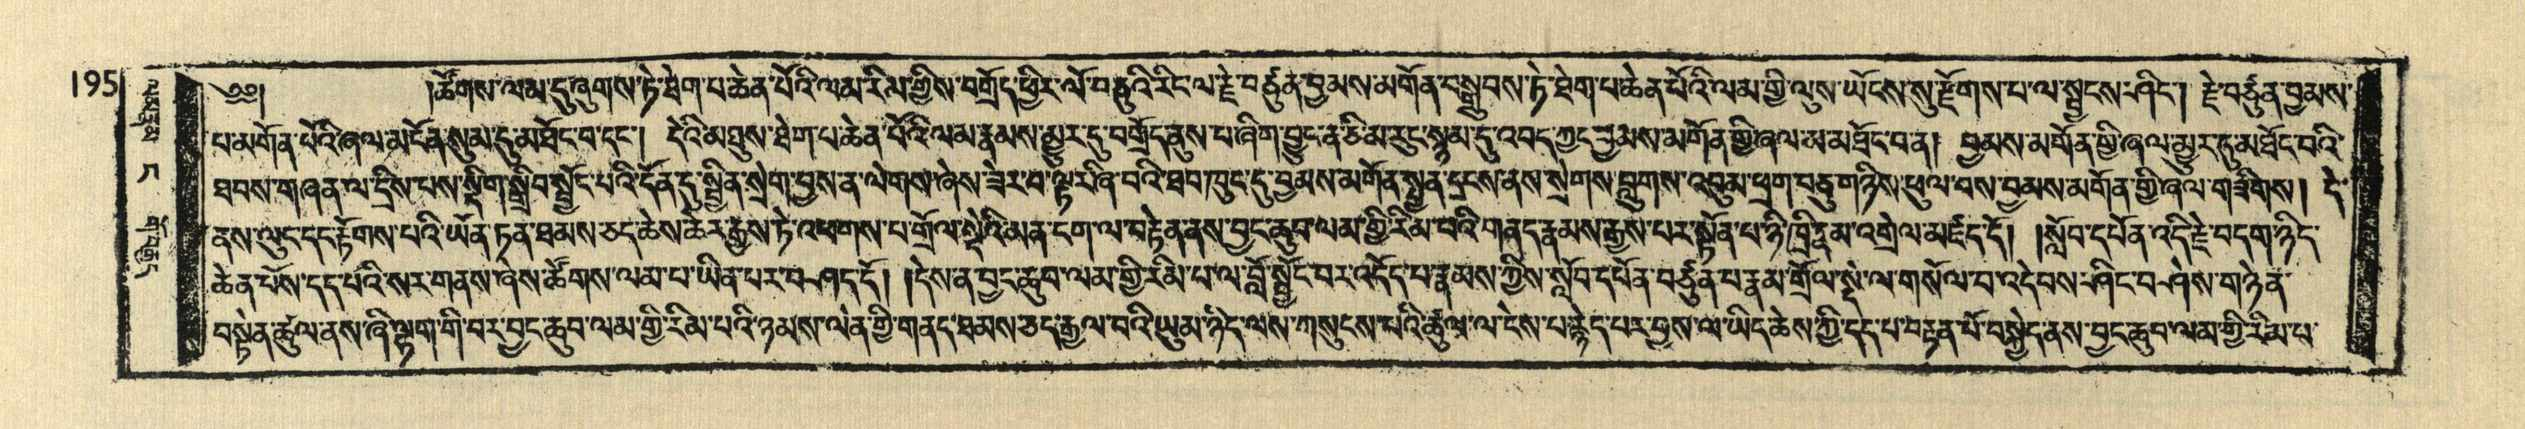༄༅། །ཚོགས་ལམ་དུ་ཞུགས་ཏེ་ཐེག་པ་ཆེན་པོའི་ལམ་རིམ་གྱིས་བགྲོད་ཕྱིར་ལོ་བཅུའི་རིང་ལ་རྗེ་བཙུན་བྱམས་མགོན་བསྒྲུབས་ཏེ་ཐེག་པ་ཆེན་པོའི་ལམ་གྱི་ལུས་ཡོངས་སུ་རྫོགས་པ་ལ་སྦྱངས་ཤིང་། རྗེ་བཙུན་བྱམས་
པ་མགོན་པོའི་ཞལ་མངོན་སུམ་དུ་མཐོང་བ་དང་། དེའི་མཐུས་ཐེག་པ་ཆེན་པོའི་ལམ་རྣམས་མྱུར་དུ་བགྲོད་ནུས་པ་ཞིག་བྱུང་ན་ཅི་མ་རུང་སྙམ་དུ་འབད་ཀྱང་བྱམས་མགོན་གྱི་ཞལ་མ་མཐོང་བ་ན། བྱམས་མགོན་གྱི་ཞལ་མྱུར་དུ་མཐོང་བའི་
ཐབས་གཞན་ལ་དྲིས་པས་སྡིག་སྒྲིབ་སྦྱོང་བའི་དོན་དུ་སྦྱིན་སྲེག་བྱས་ན་ལེགས་ཞེས་ཟེར་བ་ལྟར་ཞི་བའི་ཐབ་ཁུང་དུ་བྱམས་མགོན་སྤྱན་དྲངས་ནས་སྲེགས་བླུགས་འབུམ་ཕྲག་བཅུ་གཉིས་ཕུལ་བས་བྱམས་མགོན་གྱི་ཞལ་གཟིགས། དེ་
ནས་ལུང་དང་རྟོགས་པའི་ཡོན་ཏན་ཐམས་ཅད་ཆེས་ཆེར་རྒྱས་ཏེ་འཕགས་པ་གྲོལ་སྡེའི་མན་ངག་ལ་བརྟེན་ནས་བྱང་ཆུབ་ལམ་གྱི་རིམ་པའི་གནད་རྣམས་རྒྱས་པར་སྟོན་པ་ཉི་ཁྲི་རྣམ་འགྲེལ་མཛད་དོ། །སློབ་དཔོན་འདི་རྗེ་བདག་ཉིད་
ཆེན་པོས་དད་པའི་སར་གནས་ཞེས་ཚོགས་ལམ་པ་ཡིན་པར་བཤད་དོ། །དེས་ན་བྱང་ཆུབ་ལམ་གྱི་རིམ་པ་ལ་བློ་སྦྱོང་བར་འདོད་པ་རྣམས་ཀྱིས་སློབ་དཔོན་བཙུན་པ་རྣམ་གྲོལ་སྡེ་ལ་གསོལ་བ་འདེབས་ཤིང་བཤེས་གཉེན་
བསྟེན་ཚུལ་ནས་ཞི་ལྷག་གི་བར་བྱང་ཆུབ་ལམ་གྱི་རིམ་པའི་ཉམས་ལེན་གྱི་གནད་ཐམས་ཅད་རྒྱལ་བའི་ཡུམ་ཉིད་ལས་གསུངས་པའི་ཚུལ་ལ་ངེས་པ་རྙེད་པར་བྱས་ལ་ཡིད་ཆེས་ཀྱི་དད་པ་བརྟན་པོ་བསྐྱེད་ནས་བྱང་ཆུབ་ལམ་གྱི་རིམ་པ་